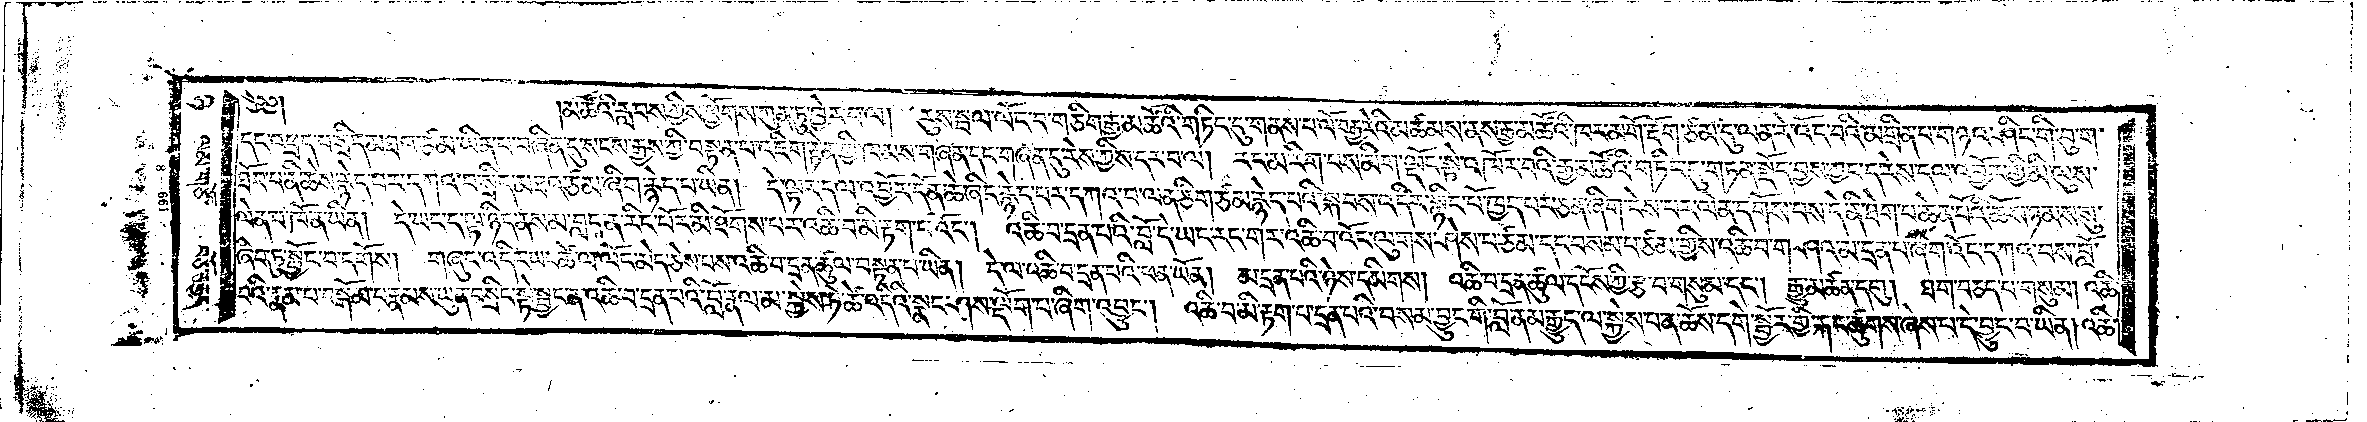༄༅། །མཚོའི་རླབས་ཀྱིས་ཕྱོགས་ཀུན་ཏུ་ཁྱེར་བ་ལ། རུས་སྦལ་ལོང་བ་གཅིག་རྒྱ་མཚོའི་གཏིང་དུ་གནས་པ་ལོ་བརྒྱ་རེའི་མཚམས་ནས་རྒྱ་མཚོའི་ཁར་མགོ་རྡོག་ཙམ་དུ་ལན་རེ་འོང་བའི་མགྲིན་པ་གཉའ་ཤིང་གི་བུ་ག་
དང་འཕྲད་པ་སྲིད་མཐའ་ཙམ་ཡིན་པ་བཞིན་དུ་སངས་རྒྱས་ཀྱི་བསྟན་པ་འཇིག་རྟེན་གྱི་ཁམས་གཞན་དང་གཞན་དུ་རེས་ཀྱིས་དར་བ་ལ། རང་མ་རིག་པས་མིག་ལྡོང་སྟེ་འཁོར་བའི་རྒྱ་མཚོའི་གཏིང་དུ་གཏན་སྡོད་བྱས་ཀྱང་ད་རེས་དལ་འབྱོར་གྱི་མི་ལུས་
ཐོབ་པ་ནི་ཆེས་རྙེད་པར་དཀའ་བ་སྲིད་མཐའ་ཙམ་ཞིག་རྙེད་པ་ཡིན། དེ་ལྟར་དལ་འབྱོར་དོན་ཆེ་ཞིང་རྙེད་པར་དཀའ་བ་ལན་ཅིག་ཙམ་རྙེད་པའི་སྐབས་འདིར་སྙིང་པོ་ཁྱད་པར་ཅན་ཞིག་ངེས་པར་ལེན་དགོས་པས་དེ་ནི་ཐེག་པ་ཆེན་པོའི་ཆོས་ཉམས་སུ་
ལེན་པ་ཁོ་ན་ཡིན། དེ་ཡང་ད་ལྟ་ཉིད་ནས་མ་བླངས་ན་རིང་པོར་མི་ཐོགས་པར་འཆི་བ་མི་རྟག་པ་འོང་། འཆི་བ་དྲན་པའི་བློ་དེ་ཡང་རང་གར་འཆི་བ་འོང་ལུགས་ཤེས་པ་ཙམ་དང་བསམ་པ་ཙམ་གྱིས་འཆི་བ་གཤའ་མ་དྲན་པ་ཞིག་འོང་དཀའ་བས་བློ་
ཞིབ་ཏུ་སྦྱོང་བ་དགོས། གཞུང་འདིར་ཡང་ཚེ་ལ་ལོང་མེད་ཅེས་པས་འཆི་བ་དྲན་ཚུལ་བསྟན་པ་ཡིན། དེ་ལ་འཆི་བ་དྲན་པའི་ཕན་ཡོན། མ་དྲན་པའི་ཉེས་དམིགས། འཆི་བ་དྲན་ཚུལ་དངོས་ཀྱི་རྩ་བ་གསུམ་དང་། རྒྱུ་མཚན་དགུ། ཐག་བཅད་པ་གསུམ། འཆི་
བའི་རྣམ་པ་བསྒོམ་པ་རྣམས་ཡུན་བསྲིང་སྟེ་སྦྱང་ན་འཆི་བ་དྲན་པའི་བློ་རྣལ་མ་སྐྱེས་ཏེ་ཚེ་འདིའི་སྣང་ཤས་ལྡོག་པ་ཞིག་འབྱུང་། འཆི་བ་མི་རྟག་པ་དྲན་པའི་བསམ་བྱུང་གི་བློ་ནམ་རྒྱུད་ལ་སྐྱེས་པ་ན་ཆོས་དགེ་སྦྱོར་གྱི་རྐང་ཚུགས་ཞེས་པ་དེ་བྱུང་བ་ཡིན། འཆི་